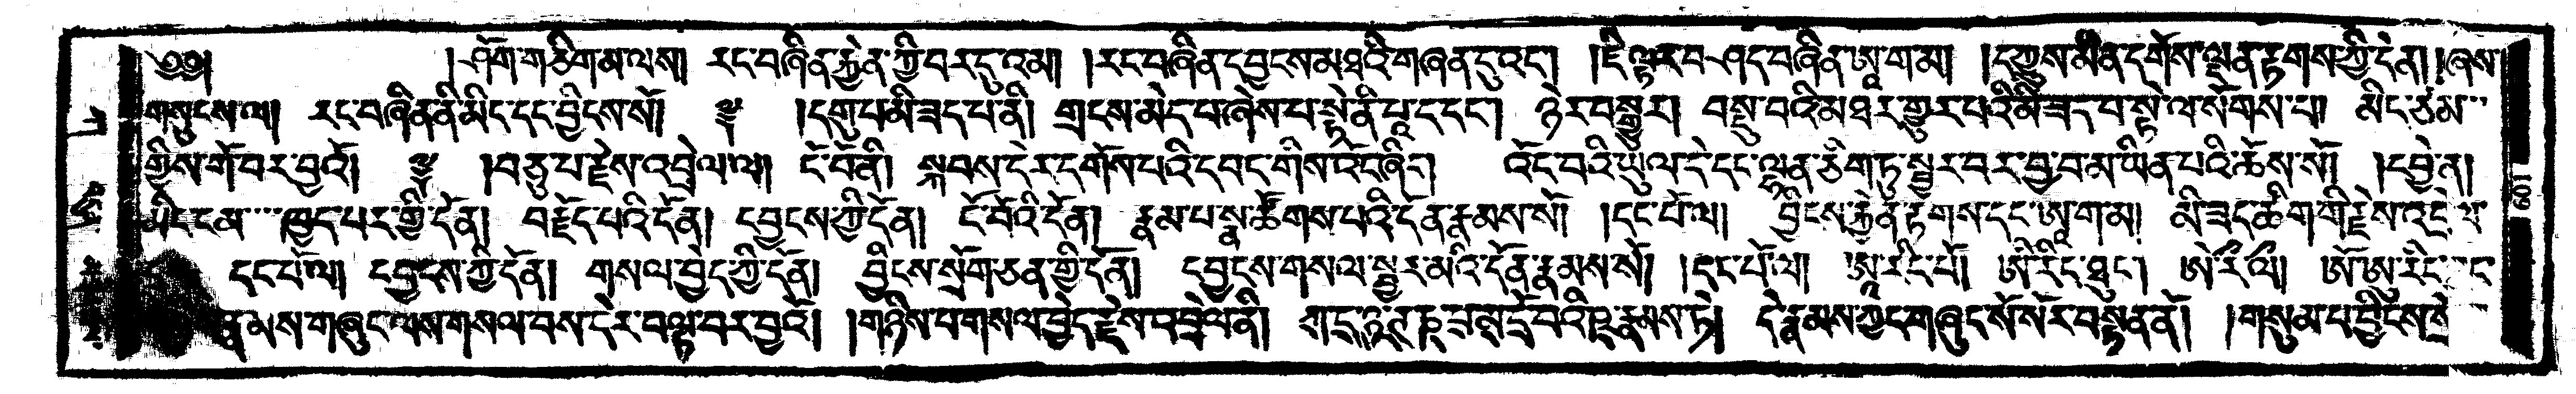༄༅། །ཤོག་གཅིག་མ་ལས། རང་བཞིན་རྐྱེན་ཀྱི་བར་དུ་འམ། །རང་བཞིན་དབྱངས་མཐའི་གཞན་དུ་འང་། །ཇི་ལྟར་བཤད་བཞིན་ཨཱ་ག་མ། །དཀྱུས་མིན་དགོས་ལྡན་རྟགས་ཀྱི་དེན། །ཞས་
གསུངས་ལ། རང་བཞིན་ནི་མིང་དང་བྱིངས་སོ། ༈ །དགུ་པ་མི་ཟད་པ་ནི། གྲངས་མེད་པ་ཞེས་པ་སྟེ་ནི་པཱ་ད་དང་། ཉེར་བསྒྱུར། བསྡུ་བའི་མཐར་གྱུར་པའི་མི་ཟད་པ་སྟེ་ལ་སོགས་པ། མིང་ཙམ་
གྱིས་གོ་བར་བྱའོ། ༈ །བཅུ་པ་རྗེས་འབྲེལ་ལ། ངོ་བོ་ནི། སྐབས་དེར་དགོས་པའི་དབང་གིས་འོང་ཞིང་། འོང་བའི་ཡུལ་དེ་དང་ལྷན་ཅིག་ཏུ་སྦྱར་བར་བྱ་བ་མ་ཡིན་པའི་ཆོས་སོ། །དབྱེ་ན།
མིང་དམ་ཁྱད་པར་གྱི་དོན། བརྗོད་པའི་དོན། དབྱངས་ཀྱི་དོན། ངོ་བོའི་དོན། རྣམ་པ་སྣ་ཚོགས་པའི་དོན་རྣམས་སོ། །དང་པོ་ལ། བྱིངས་རྐྱེན་རྟགས་དང་ཨཱ་ག་མ། མི་ཟད་ཚིག་གི་རྗེས་འདྲེལ་
དང་པོ་ལ། དབྱང་ཀྱི་དོན། གསལ་བྱེད་ཀྱི་དོན། བྱིངས་སྲོག་ཅན་གྱི་དོན། དབྱང་གསལ་སྦྱར་མའི་དོན་རྣམས་སོ། །དང་པོ་ལ། ཨཱ་རིང་པོ། ཨི་རིང་ཐུང་། ཨེ་རྀ་ལྀ་ཨོ་ཨུ་རིང་འདྲ་
རྣམས་གཞུང་ལས་གསལ་བས་དེར་བལྟ་བར་བྱའོ། །གཉིས་པ་གསལ་བྱེད་རྗེས་འབྲེལ་ནི། ཀྲ་དྲ་ཉ་ཊ་ཎ་པྲ་དྲོ་བའི་ཥ་རྣམས་ཏེ། དེ་རྣམས་ཀྱང་གཞུང་སོ་སོར་བསྟན་ནོ། །གསུམ་པ་བྱིངས་སྲོང?